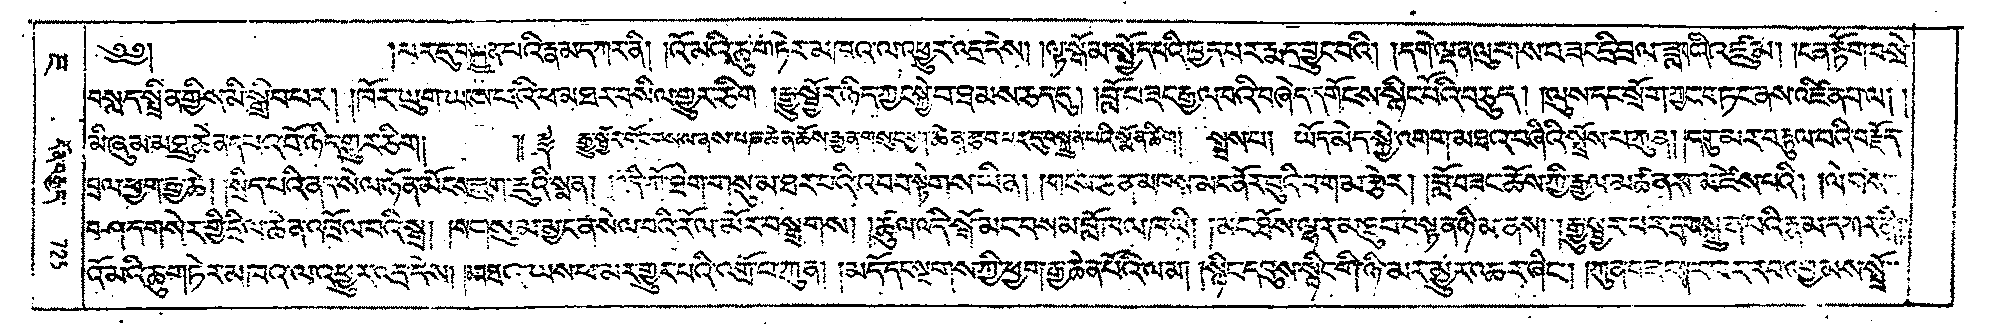༄༅། །པར་དུ་བསྐྲུན་པའི་རྣམ་དཀར་ནི། །འོ་མའི་ཆུ་གཏེར་མཁའ་ལ་འཕྱུར་འདྲ་དེས། །ལྟ་སྒོམ་སྤྱོད་པའི་ཁྱད་པར་རྨད་བྱུང་བའི། །དགེ་ལྡན་ལུགས་བཟང་དྲི་བྲལ་ཟླ་བའི་འཛུམ། །ངན་རྟོག་བསྲེ་
བསླད་སྤྲིན་གྱིས་མི་སྒྲིབ་པར། །ཁོར་ཡུག་ཡངས་པའི་ཕ་མཐར་བསིལ་གྱུར་ཅིག །རྒྱུ་སྦྱོར་ཉིད་ཀྱང་སྐྱེ་བ་ཐམས་ཅད་དུ། །བློ་བཟང་རྒྱལ་བའི་བཞེད་དགོངས་སྙིང་པོའི་བཅུད། །ལུས་དང་སྲོག་ཀྱང་བཏང་ནས་འཛིན་པ་ལ། །
མི་ཞུམ་མཐུ་ཆེན་དཔའ་བོ་ཉིད་གྱུར་ཅིག ། །། ༈ རྒྱུ་སྦྱོར་གོང་གསལ་ནས་པཎ་ཆེན་ཆོས་རྒྱན་གསུང་ཕྱག་ཆེན་རྩབ་པར་དུ་བསྐྲུན་པའི་སྨོན་ཚིག །  སྨྲས་པ། ཡོད་མེད་སྐྱེ་འགག་མཐའ་བཞིའི་སྤྲོས་པ་ཀུན། །དབུ་མར་བརྟུལ་བའི་བརྗོད་
བྲལ་ཕྱག་རྒྱ་ཆེ། །སྲིད་པའི་ནད་སེལ་ཉོན་མོངས་ཟུག་རྡུའི་སྨན། །འདི་ཀོ་ཐེག་གསུམ་ཐར་པའི་འབབ་སྟེགས་ཡིན། །གངས་ཅན་མཁས་མང་ནོར་བུའི་བ་གམ་རྩེར། །བློ་བཟང་ཆོས་ཀྱི་རྒྱལ་མཚན་རབ་མཛེས་པའི། །ལེགས་
བཤད་གསེར་གྱི་དྲིལ་ཆེན་འཁྲུལ་བའི་སྒྲ། །ས་གསུམ་མྱ་ངན་སེལ་བའི་རོལ་མོར་བསྒྲགས། །ཚུལ་འདི་སྒོ་མང་བསམ་བློ་ཁལ་ཁ་ཡི། །མང་ཐོས་ལྷ་རམ་ཐུབ་བསྟན་ཉི་མ་ནས། །རྒྱུ་སྦྱར་པར་དུ་བསྐྲུན་པའི་རྣམ་དཀར་ནི། །
འོ་མའི་ཆུ་གཏེར་མཁའ་ལ་འཕྱུར་འདྲ་དེས། །མཐའ་ཡས་ཕ་མར་གྱུར་པའི་འགྲོ་བ་ཀུན། །མདོ་དང་སྔགས་ཀྱི་ཕྱག་རྒྱ་ཆེན་པོའི་ལམ། །སྙིང་དབུས་སྙིང་གི་ཉི་མར་མྱུར་འཆར་ཞིང་། །ཀུན་བཟང་སྣང་བར་རབ་འབྱམས་སྤྲོ་